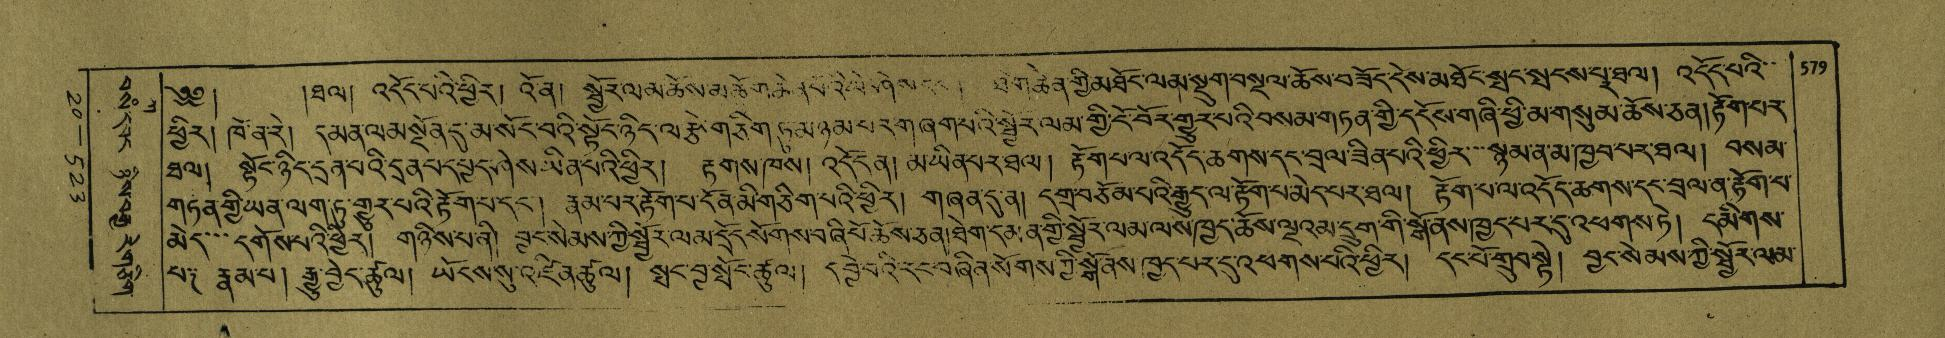༄༅། །ཐལ། འདོད་པའི་ཕྱིར། འོ་ན། སྦྱོར་ལམ་ཆོས་མཆོག་ཆེན་པོའི་ཡེ་ཤེས་དང་། ཐེག་ཆེན་གྱི་མཐོང་ལམ་སྡུག་བསྔལ་ཆོས་བཟོད་དེས་མཐོང་སྤང་སྤངས་པར་ཐལ། འདོད་པའི་
ཕྱིར། ཁོ་ན་རེ། དམན་ལམ་སྔོན་དུ་མ་སོང་བའི་སྟོང་ཉིད་ལ་རྩེ་གཅིག་ཏུ་མཉམ་པར་གཞག་པའི་སྦྱོར་ལམ་གྱི་ངོ་བོར་གྱུར་པའི་བསམ་གཏན་གྱི་དངོས་གཞི་ཕྱི་མ་གསུམ་ཆོས་ཅན། རྟོག་པར་
ཐལ། སྟོང་ཉིད་དྲན་པའི་དྲན་པ་དཔྱད་ཤེས་ཡིན་པའི་ཕྱིར། རྟགས་ཁས། འདོད་ན། མ་ཡིན་པར་ཐལ། རྟོག་པ་ལ་འདོད་ཆགས་དང་བྲལ་ཟིན་པའི་ཕྱིར་སྙམ་ན་མ་ཁྱབ་པར་ཐལ། བསམ་
གཏན་གྱི་ཡན་ལག་ཏུ་གྱུར་པའི་རྟོག་པ་དང་། རྣམ་པར་རྟོག་པ་དོན་མིག་ཅིག་པའི་ཕྱིར། གཞན་དུ་ན། དགྲ་བཅོམ་པའི་རྒྱུད་ལ་རྟོག་པ་མེད་པར་ཐལ། རྟོག་པ་ལ་འདོད་ཆགས་དང་བྲལ་ན་རྟོག་པ་
མེད་དགོས་པའི་ཕྱིར། གཉིས་པ་ནི། བྱང་སེམས་ཀྱི་སྦྱོར་ལམ་དྲོད་སོགས་བཞི་པོ་ཆོས་ཅན། ཐེག་དམན་གྱི་སྦྱོར་ལམ་ལས་ཁྱད་ཆོས་ལྔའམ་དྲུག་གི་སྒོ་ནས་ཁྱད་པར་དུ་འཕགས་ཏེ། དམིགས་
པ༑ རྣམ་པ། རྒྱུ་བྱེད་ཚུལ། ཡོངས་སུ་འཛིན་ཚུལ། སྤང་བྱ་སྤོང་ཚུལ། དབྱེ་བའི་རང་བཞིན་སོགས་ཀྱི་སྒོ་ནས་ཁྱད་པར་དུ་འཕགས་པའི་ཕྱིར། དང་པོ་གྲུབ་སྟེ། བྱང་སེམས་ཀྱི་སྦྱོར་ལམ་